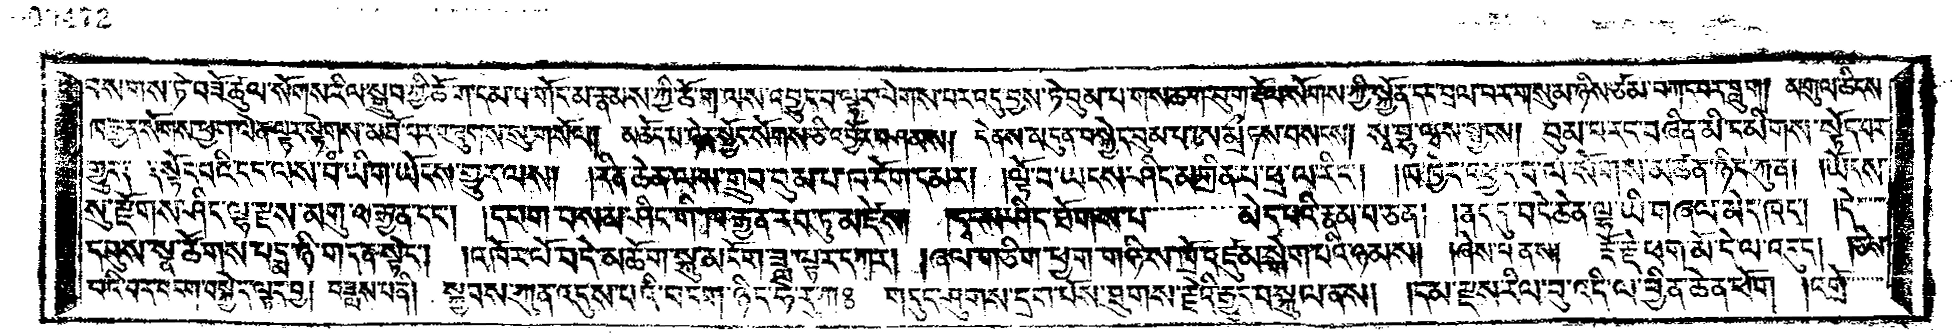བསགས་ཏེ་བཟོ་ཚུལ་སོགས་རིལ་སྒྲུབ་ཀྱི་ཆོ་ག་དམ་པ་གོང་མ་རྣམས་ཀྱི་ཆོ་ག་ལས་འབྱུང་བ་ལྟར་ལེགས་པར་འདུ་བྱས་ཏེ་བུམ་པ་གས་ཆག་བུག་རྡོལ་སོགས་ཀྱི་སྐྱོན་དང་བྲལ་བར་གསུམ་ཉིས་ཙམ་བཀང་བར་བླུག །མགུལ་ཆིངས་
ཁ་རྒྱན་སོགས་ཕྱག་ལེན་ལྟར་སྟེགས་མཐོ་པར་བཞུགས་སུ་གསོལ། མཆོད་པ་ཉེར་སྦྱོང་སོགས་ཅི་འབྱོར་བཤམས། དེ་ནས་མདུན་བསྐྱེད་བུམ་པ་ཨ་མྲྀ་ཏས་བསངས།  སྭ་བྷ་ཝས་སྦྱངས། བུམ་པ་རང་བཞིན་མི་དམིགས་སྟོད་པར་
གྱུར༑ ༑སྟོང་བའི་ངང་ལས་བཾ་ཡིག་ཡོངས་གྱུར་ལས། །རིན་ཆེན་ལས་གྲུབ་བུམ་པ་ཁ་དོག་དམར། །ལྟོ་བ་ཡངས་ཤིང་མགྲིན་པ་ཕྲ་ལ་རིང་། །ཁ་ཁྱེར་འཕྱང་བ་ལ་སོགས་མཚན་ཉིད་ཀུན། །ཡོངས་སུ་རྫོགས་ཤིང་ལྷ་རྫས་མགུ་ལ་རྒྱན་དང་། །དཔག་བསམ་ཤིང་གི་ཁ་རྒྱན་རབ་ཏུ་མཛེས། །དྭངས་ཤིད་ཐོགས་པ་མེད་པའི་རྣམ་པ་ཅན། །ནང་དུ་བདེ་ཆེན་ལྷ་ཡི་གཞལ་མེད་ཁང་། །དེ་
དབུས་སྣ་ཚོགས་པདམ་ཉི་གདན་སྟེང་། །འཁོར་ལོ་བདེ་མཆོག་སྐུ་མདོག་ཟླ་ལྟར་དཀར། །ཞལ་གཅིག་ཕྱག་གཉིས་ཁྲོ་འཛུམ་སྒེག་པའི་ཉམས། །ཞེས་པ་ནས། རྡོ་རྗེ་ཕག་མོ་དེ་ལ་འདུད། །ཅེས་
བའི་བར་བདག་བསྐྱེད་ལྟར་བྱ། བཟླས་པ་ནི། སྐྱབས་ཀུན་འདུས་པའི་བདག་ཉིད་ཧེ་རུ་ཀཿ གདུང་ཤུགས་དྲག་པོས་ཐུགས་རྗེའི་རྒྱུད་བསྐུལ་ནས། །དམ་རྫས་རིལ་བུ་འདི་ལ་བྱིན་ཆེན་ཕོག །འགྲོ་